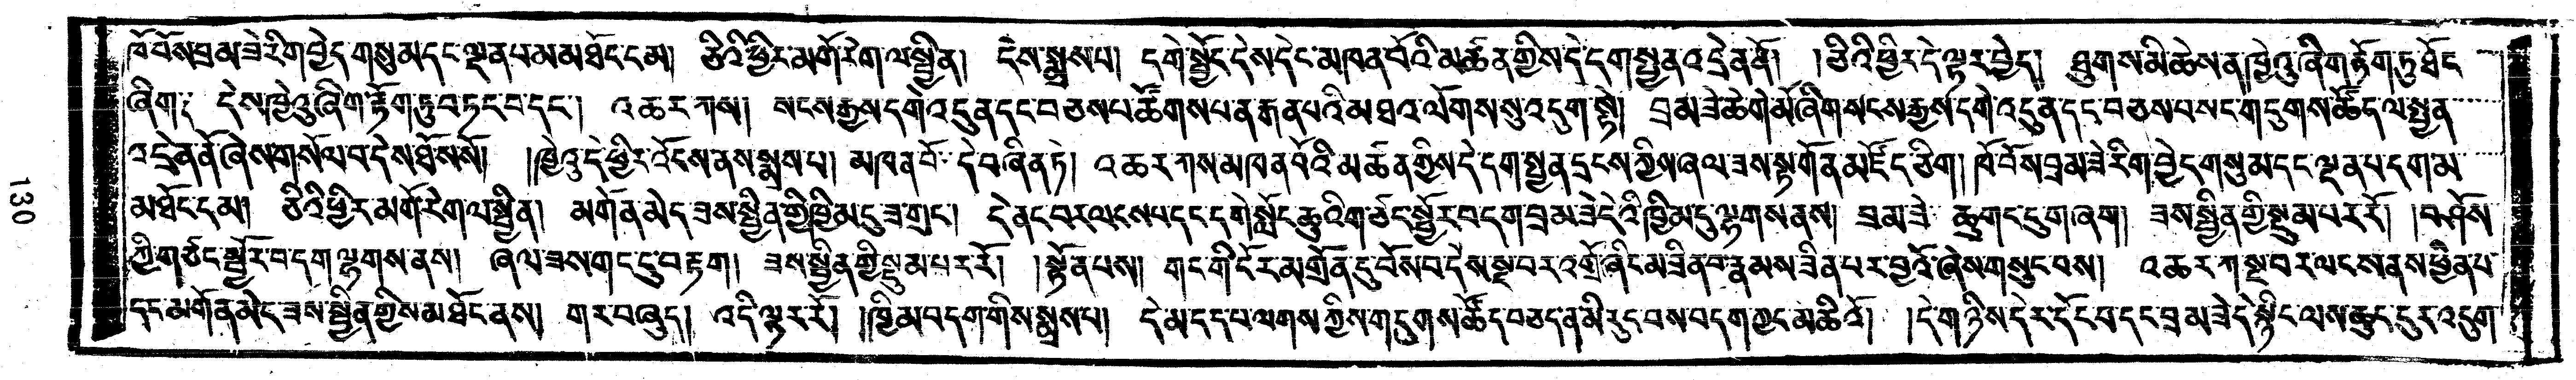ཁོ་བོས་བྲམ་ཟེ་རིག་བྱེད་གསུམ་དང་ལྡན་པ་མ་མཐོང་ངམ། ཅིའི་ཕྱིར་མགོ་རེག་ལ་སྦྱིན། དེས་སྨྲས་པ། དགེ་སྦྱོང་དེས་དེང་མཁན་པོའི་མཚན་གྱིས་དེ་དག་སྤྱན་འདྲེན་ནོ། །ཅིའི་ཕྱིར་དེ་ལྟར་བྱེད། ཐུགས་མི་ཆེས་ན་ཁྱེའུ་ཞིག་རྟོག་ཏུ་ཐོང་
ཞིག༑ དེས་ཁྱེའུ་ཞིག་རྟོག་ཏུ་བཏང་བ་དང་། འཆར་ཀས། སངས་རྒྱས་དགེ་འདུན་དང་བཅས་པ་ཚོགས་པ་ན་རྒན་པའི་མཐའ་ལོགས་སུ་འདུག་སྟེ། བྲམ་ཟེ་ཆེ་གེ་མོ་ཞིག་སངས་རྒྱས་དགེ་འདུན་དང་བཅས་པ་སང་གདུགས་ཚོད་ལ་སྤྱན་
འདྲེན་ནོ་ཞེས་གསོལ་བ་དེས་ཐོ་ས་སོ། །ཁྱེའུ་དེ་ཕྱིར་འོངས་ནས་སྨྲས་པ། མཁན་པོ༑ དེ་བཞིན་ཏེ། འཆར་ཀས་མཁན་པོའི་མཚན་གྱིས་དེ་དག་སྤྱན་དྲངས་ཀྱིས་ཞལ་ཟས་སྟ་གོན་མཛོད་ཅིག། ཁོ་བོས་བྲམ་ཟེ་རིག་བྱེད་གསུམ་དང་ལྡན་པ་དག་མ་
མཐོང་ངམ། ཅིའི་ཕྱིར་མགོ་རེག་ལ་སྦྱིན། མགོན་མེད་ཟས་སྦྱིན་གྱི་ཁྱིམ་དུ་ཟ་གྲང་། དེ་ནང་བར་ལངས་པ་དང་དགེ་སློང་ཆུའི་གཙང་སྦྱོར་བ་དག་བྲམ་ཟེ་དེའི་ཁྱིམ་དུ་ལྷགས་ནས། བྲམ་ཟེ༑ ཆུ་གང་དུ་གཞག། ཟས་སྦྱིན་གྱི་སྡུམ་པར་རོ། །བཤོས་
ཀྱི་གཙང་སྦྱོར་བ་དག་ལྷགས་ནས། ཞལ་ཟས་གང་དུ་བརྟག། ཟས་སྦྱིན་གྱི་སྡུམ་པར་རོ། །སྟོན་པས། གང་གི་ངོར་མགྲོན་དུ་བོས་བ་དེས་སྔ་བར་འགྲོ་ཞིང་མ་ཟིན་བ་རྣམས་ཟིན་པར་བྱའོ་ཞེས་གསུང་བས། འཆར་ཀ་སྔ་བར་ལངས་ནས་ཕྱིན་པ་
དང་མགོན་མེད་ཟས་སྦྱིན་གྱིས་མཐོང་ནས། གར་བཞུད། འདི་ལྟར་རོ། །ཁྱིམ་བདག་གིས་སྨྲས་པ། དེ་མ་དད་པ་ལགས་ཀྱིས་གདུགས་ཚོད་བཅད་ན་མི་རུང་བས་བདག་ཀྱང་མཆིའོ། །དེ་གཉིས་དེར་དོང་བ་དང་བྲམ་ཟེ་དེ་སྙིང་ལས་ཆུང་དུར་འདུག་